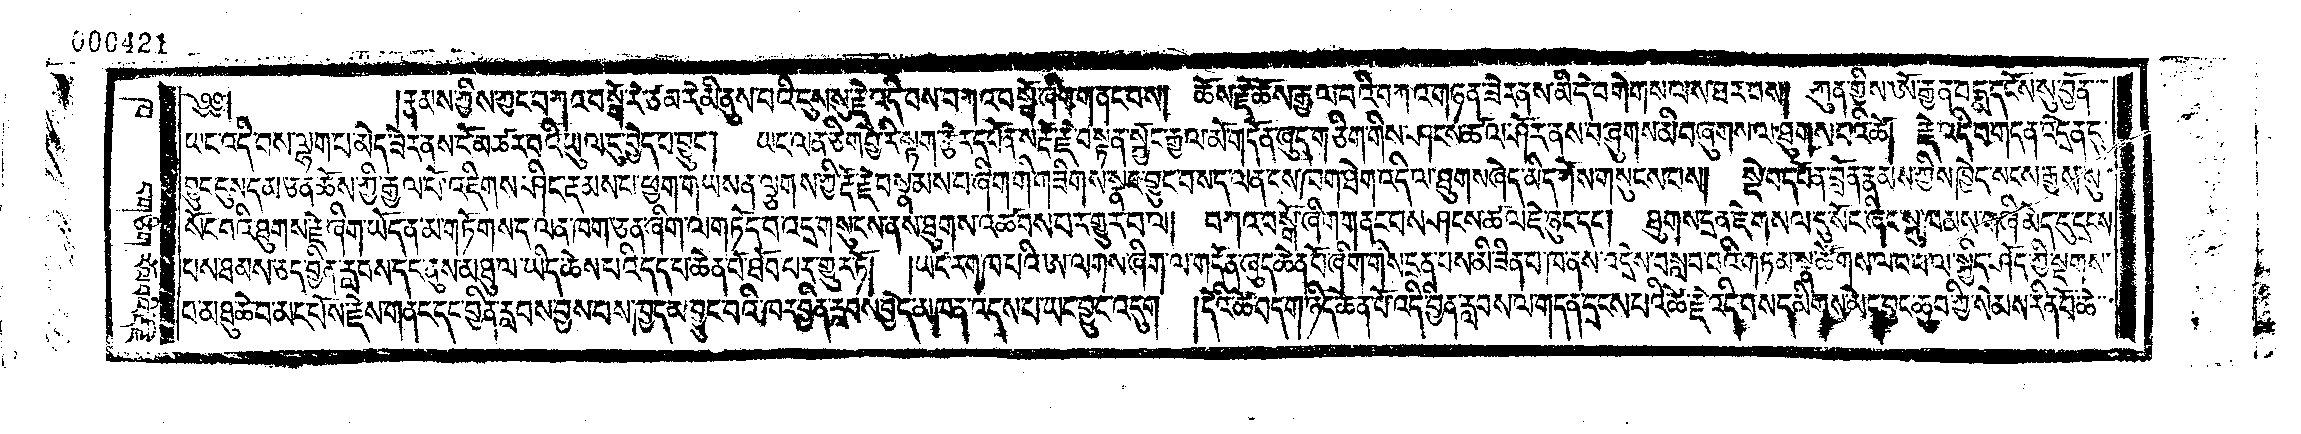༄༅། །རྣམས་ཀྱིས་ཀྱང་བཀའ་བསྒོ་རེ་ཙམ་རེ་མི་ནུས་པའི་དུས་སུ་རྗེ་འདི་པས་བཀའ་བསྒོ་ཞིག་གནང་བས། ཆོས་རྗེ་ཆོས་རྒྱལ་བའི་བཀའ་གཉན་ཟེར་ནས་མི་དེ་བགེགས་ལས་ཐར་བས། ཀུན་གྱིས་ཨོ་རྒྱན་པདམ་དངོས་སུ་བྱོན་
ཡང་འདི་བས་ལྷག་པ་མེད་ཟེར་ནས་ངོ་མཚར་བའི་ཡུལ་དུ་བྱེད་པ་བྱུང་། ཡང་ལན་ཅིག་བྱེ་རི་སྟག་རྩེར་དཔོན་ས་རྡོ་རྗེ་བསྟན་སྐྱོང་རྒྱལ་མོ་གདོན་ཞུད་གཅིག་གིས་ཤངས་ཚལ་ཤོར་ནས་བཞུགས་མི་བཞུགས་ལ་ཐུགས་པའི་ཚེ། རྗེ་འདི་པ་གདན་འདྲེན་དུ་
བྱུང་དུས་དམ་ཅན་ཆོས་ཀྱི་རྒྱལ་པོ་འཇིགས་ཤིང་རྔམས་པ་ཕྱག་གཡས་ན་ལྕགས་ཀྱི་རྡོ་རྗེ་བསྣམས་པ་ཞིག་གི་གཟིགས་སྣང་བྱུང་བསད་ལན་ངས་ཁག་ཐེག་འདི་ལ་ཐུགས་ཞེད་མི་དགོས་གསུངས་པས། སྡེ་བ་དཔོན་བློན་རྣམས་ཀྱིས་ཁྱེད་སངས་རྒྱས་སུ་
སོང་བའི་ཐུགས་རྗེ་ཞིག་ཡོད་ན་མ་གཏོགས་ད་ལན་ཁག་ཅན་ཞིག་ལ་གཏོད་པ་འདྲ་གསུངས་ནས་ཐུགས་འཚབས་བར་གྱུར་པ་ལ། བཀའ་བསྒོ་ཞིག་གནང་བས་ཤར་ས་ཚལ་ཇེ་ཉུང་དང་། ཐུགས་དྲན་ཇེ་གསལ་དུ་སོང་ཞིང་སྐུ་ཁམས་གཞི་མེད་དུ་དྲངས་
པས་ཐམས་ཅད་བྱིན་རླབས་དང་ནུས་མཐུ་ལ་ཡིད་ཆེས་པའི་དད་པ་ཆེན་པོ་ཐོབ་པར་གྱུར་ཏོ། །ཡང་རག་ཁ་པའི་ཨ་ལགས་ཞིག་ལ་གདོན་ཞུད་ཆེན་པོ་ཞིག་གིས་དྲན་པས་མི་ཟིན་པ་ཁ་ནས་འདྲེས་བསླབ་པའི་གཏམ་སྣ་ཚོགས་ལབ་པ་ལ་སྐྱིད་ཤོད་ཀྱི་སྔགས་
པ་མཐུ་ཆེ་བ་མང་པོས་རྗེས་གནང་དང་བྱིན་རླབས་བྱས་པས་ཁྱད་མ་བྱུང་བའི་ཁར་བྱིན་རླབས་བྱེད་མཁན་འདས་པ་ཡང་བྱུང་འདུག །དེའི་ཚེ་བདག་ཉིད་ཆེན་པོ་འདི་བྱིན་རླབས་ལ་གདན་དྲངས་པའི་ཚེ་རྗེ་འདི་བས་དམིགས་མེད་བྱང་ཆུབ་ཀྱི་སེམས་རིན་པོ་ཆེ་